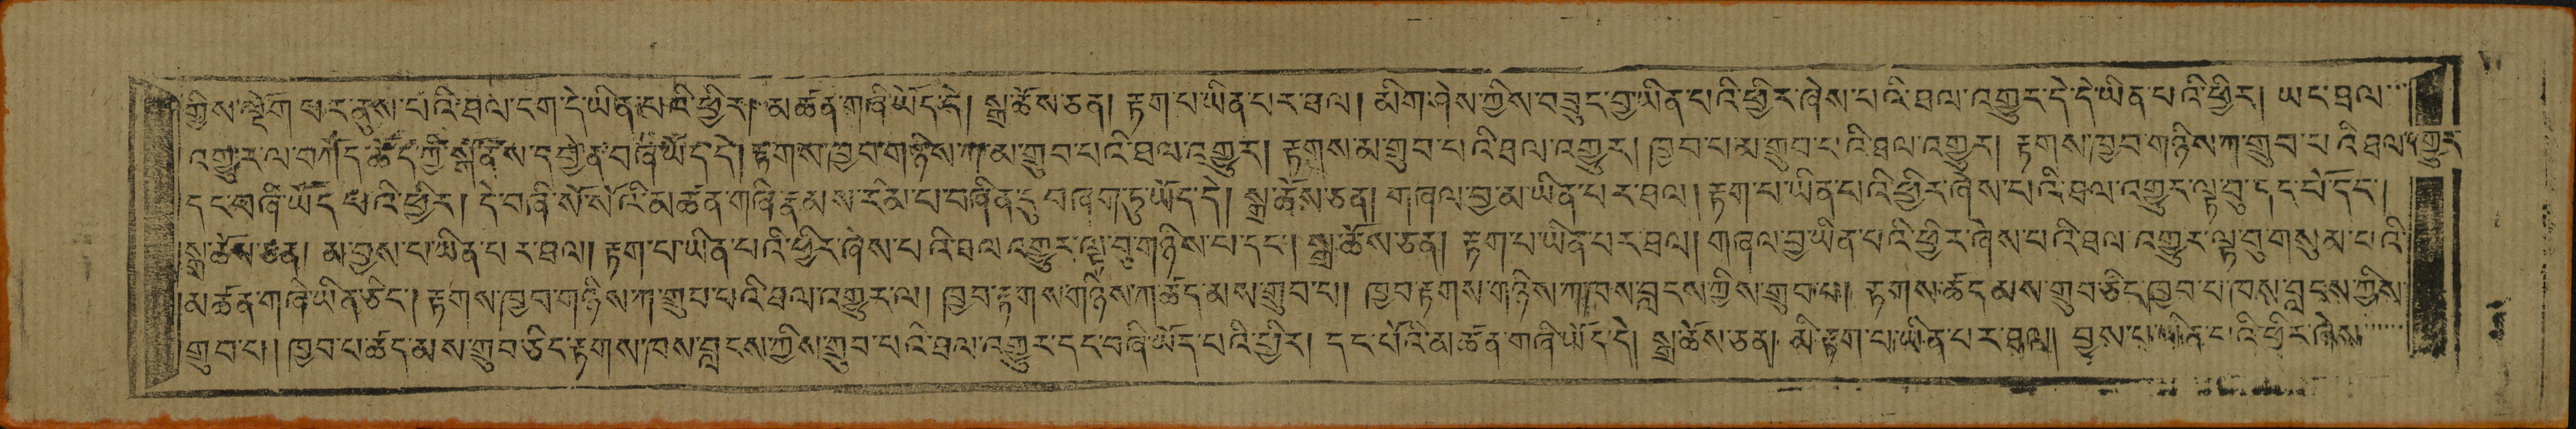གྱིས་ལྡོག་པར་ནུས་པའི་ཐལ་ངག་དེ་ཡིན་པའི་ཕྱིར། མཚན་གཞི་ཡོད་དེ། སྒྲ་ཆོས་ཅན། རྟག་པ་ཡིན་པར་ཐལ། མིག་ཤེས་ཀྱིས་བཟུང་བྱ་ཡིན་པའི་ཕྱིར་ཞེས་པའི་ཐལ་འགྱུར་དེ་དེ་ཡིན་པའི་ཕྱིར། ཡང་ཐལ་
འགྱུར་ལ་བཀོད་ཆོད་ཀྱི་སྒོ་ནས་དབྱེ་ན་བཞི་ཡོད་དེ། རྟགས་ཁྱབ་གཉིས་ཀ་མ་གྲུབ་པའི་ཐལ་འགྱུར། རྟགས་མ་གྲུབ་པའི་ཐལ་འགྱུར། ཁྱབ་པ་མ་གྲུབ་པའི་ཐལ་འགྱུར། རྟགས་ཁྱབ་གཉིས་ཀ་གྲུབ་པའི་ཐལ་འགྱུར་
དང་བཞི་ཡོད་པའི་ཕྱིར། དེ་བཞི་སོ་སོའི་མཚན་གཞི་རྣམས་རིམ་པ་བཞིན་དུ་བཞག་ཏུ་ཡོད་དེ། སྒྲ་ཆོས་ཅན། གཞལ་བྱ་མ་ཡིན་པར་ཐལ། རྟག་པ་ཡིན་པའི་ཕྱིར་ཞེས་པའི་ཐལ་འགྱུར་ལྟ་བུ་དང་པོ་དང་།
སྒྲ་ཆོས་ཅན། མ་བྱས་པ་ཡིན་པར་ཐལ། རྟག་པ་ཡིན་པའི་ཕྱིར་ཞེས་པའི་ཐལ་འགྱུར་ལྟ་བུ་གཉིས་པ་དང་། སྒྲ་ཆོས་ཅན། རྟག་པ་ཡིན་པར་ཐལ། གཞལ་བྱ་ཡིན་པའི་ཕྱིར་ཞེས་པའི་ཐལ་འགྱུར་ལྟ་བུ་གསུམ་པའི་
མཚན་གཞི་ཡིན་ཅིང་། རྟགས་ཁྱབ་གཉིས་ཀ་གྲུབ་པའི་ཐལ་འགྱུར་ལ། ཁྱབ་རྟགས་གཉིས་ཀ་ཚད་མས་གྲུབ་པ། ཁྱབ་རྟགས་གཉིས་ཀ་ཁས་བླངས་ཀྱིས་གྲུབ་པ། རྟགས་ཚད་མས་གྲུབ་ཅིང་ཁྱབ་པ་ཁས་བླངས་ཀྱིས་
གྲུབ་པ། ཁྱབ་པ་ཚད་མས་གྲུབ་ཅིང་རྟགས་ཁས་བླངས་ཀྱིས་གྲུབ་པའི་ཐལ་འགྱུར་དང་བཞི་ཡོད་པའི་ཕྱིར། དང་པོའི་མཚན་གཞི་ཡོད་དེ། སྒྲ་ཆོས་ཅན། མི་རྟག་པ་ཡིན་པར་ཐལ། བྱས་པ་ཡིན་པའི་ཕྱིར་ཞེས་